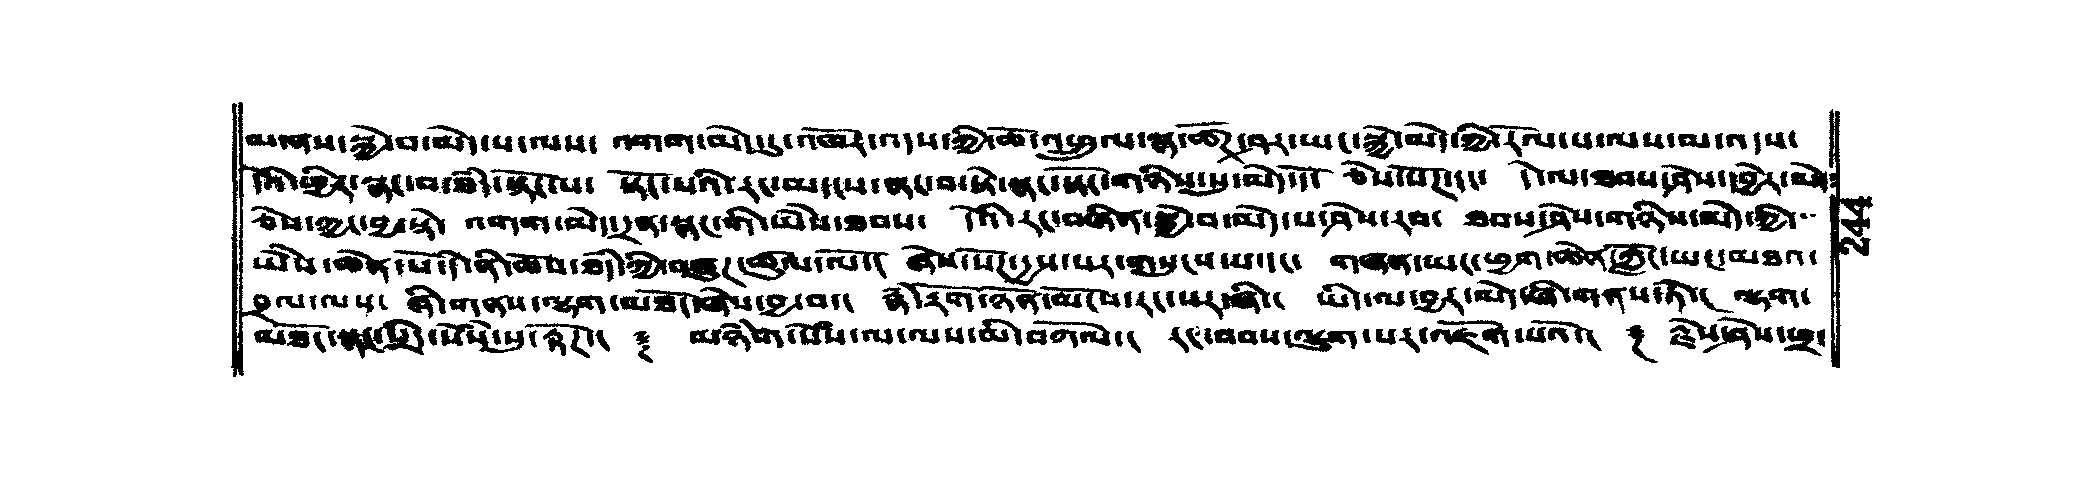མ་ནས་སྐྱེ་བ་མེད་པ་ལས། འགག་མེད་དུ་འཁོར་འདས་ཀྱི་ཆོ་འཕྲུལ་སྣ་ཚོགས་ཤར་ཡང་སྐྱེ་མེད་ཀྱི་རོལ་པ་ལས་མ་འདས། 
དེའི་ཕྱིར་སྣང་བ་ཐམས་ཅད་སྟོང་པ། སྟོང་པའི་རང་མདངས་སྣང་བ་སྟེ་སྣང་སྟོང་གཉིས་སུ་མེད་དོ། ཞེས་སོགས་དང་། དེ་ལ་ཐབས་ཤེས་དབྱེར་མེད་
ཅེས་ཀྱང་བྱ་སྟེ། འགག་མེད་དྲན་སྣང་གི་ཡེ་ཤེས་ཐབས། དེའི་རང་བཞིན་སྐྱེ་བ་མེད་པ་ཤེས་རབ།ཐབས་ཤེས་གཉིས་མེད་ཀྱི་
ཡེ་ཤེས་ཆེན་པོ་དེ་ནི་ཆོས་ཐམས་ཅད་ཀྱི་བཞུགས་ཚུལ་ལོ། ཞེས་སོགས་རྒྱས་པར་གསུངས་པ་དང་། གཞན་ཡང་ཕྱག་ཆེན་ཀློང་ཡངས་མཐའ་
བྲལ་ལས། །ཞི་གནས་ལྷག་མཐོང་ཞེས་བྱ་བ། །རྣམ་རྟོག་ཉོན་མོངས་རང་སར་ཞི། །ཡིད་ལ་བྱར་མེད་ཞི་གནས་ཏེ། །ལྷག་
མཐོང་སྣང་སྲིད་སེམས་སུ་རྟོགས། །མཉམ་བཞག་སེམས་ལ་ལས་མི་བཀོལ། །རང་བབས་ལྷུག་པར་འཇོག་པའོ། །རྗེས་ཤེས་ཕྲ་